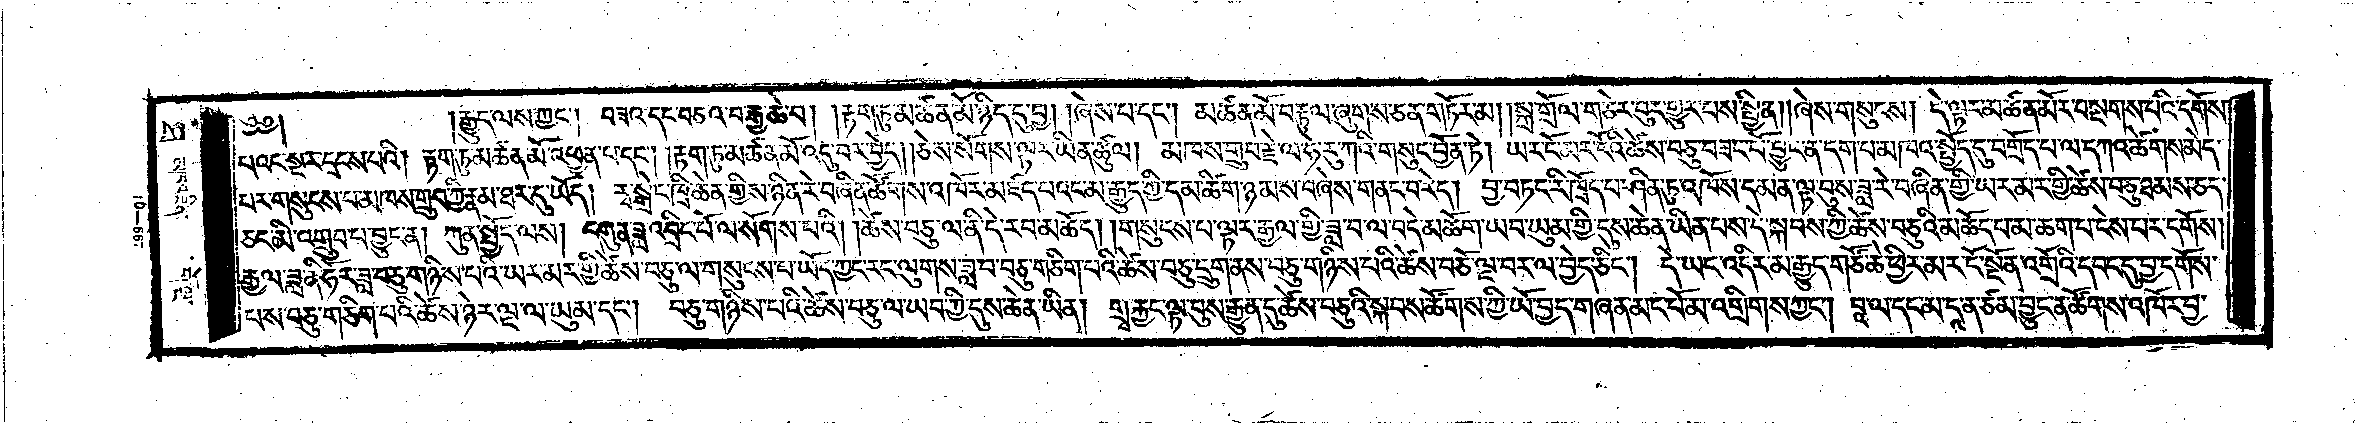༄༅། །རྒྱུད་ལས་ཀྱང་། བཟའ་དང་བཅའ་བ་རྒྱ་ཆེ་བ། །རྟག་ཏུ་མཚན་མོ་ཉིད་དུ་བྱ། །ཞེས་པ་དང་། མཚན་མོ་བརྟུལ་ཞུགས་ཅན་གཏོར་མ། །སྐྲ་གྲོལ་གཅེར་བུར་གྱུར་པས་སྦྱིན། །ཞེས་གསུངས། དེ་ལྟར་མཚན་མོར་བསྔགས་པའི་དགོས་
པའང་སྔར་དྲངས་པའི། རྟག་ཏུ་མཚན་མོ་འཕྱན་པ་དང་། །རྟག་ཏུ་མཚན་མོ་འདུ་བར་བྱེད། །ཅེས་སོགས་ལྟར་ཡིན་ཚུལ། མཁས་གྲུབ་རྗེ་ལ་ཧེ་རུ་ཀའི་གསུང་བྱོན་ཏེ། ཡར་ངོ་མར་ངོའི་ཚེས་བཅུ་བཟང་པོ་བྱུང་ན་དག་པ་མཁའ་སྤྱོད་དུ་བགྲོད་པ་ལ་དཀའ་ཚེགས་མེད་
པར་གསུངས་པ་མཁས་གྲུབ་ཀྱི་རྣམ་ཐར་དུ་ཡོད། རྭ་སྒྲེང་ཁྲི་ཆེན་གྱིས་ཉིན་རེ་བཞིན་ཚོགས་འཁོར་མཛད་པའང་མ་རྒྱུད་ཀྱི་དམ་ཚིག་ཉམས་བཞེས་གནང་བ་རེད། བྱ་བཏང་རི་ཁྱོད་པ་ཤིན་ཏུ་འཁོས་དམན་ལྟ་བུས་ཟླ་རེ་བཞིན་གྱི་ཡར་མར་གྱི་ཚེས་བཅུ་ཐམས་ཅད་
ཅང་མི་འགྲུབ་པ་བྱུང་ན། ཀུན་སྤྱོད་ལས། དགུན་ཟླ་འབྲིང་པེ་ལ་སོགས་པའི། །ཚེས་བཅུ་ལ་ནི་དེ་རབ་མཆོད། །གསུངས་པ་ལྟར་རྒྱལ་གྱི་ཟླ་བ་ལ་བདེ་མཆོག་ཡབ་ཡུམ་གྱི་དུས་ཆེན་ཡིན་པས་དེ་སྐབས་ཀྱི་ཚེས་བཅུའི་མཆོད་པ་མ་ཆག་པ་ངེས་པར་དགོས་
རྒྱལ་ཟླ་ནི་ཧོར་ཟླ་བཅུ་གཉིས་པའི་ཡར་མར་གྱི་ཚེས་བཅུ་ལ་གསུངས་པ་ཡོད་ཀྱང་རང་ལུགས་ཟླ་བ་བཅུ་གཅིག་པའི་ཚེས་བཅུ་དྲུག་ནས་བཅུ་གཉིས་པའི་ཚེས་བཅོ་ལྔ་བར་ལ་བྱེད་ཅིང་། དེ་ཡང་འདིར་མ་རྒྱུད་གཙོ་ཆེ་ཕྱིར་མར་ངོ་སྔོན་འགྲོའི་དབང་དུ་བྱ་དགོས་
པས་བཅུ་གཅིག་པའི་ཚེས་ཉེར་ལྔ་ལ་ཡུམ་དང་། བཅུ་གཉིས་པའི་ཚེས་བཅུ་ལ་ཡབ་ཀྱི་དུས་ཆེན་ཡིན། གྲྭ་རྐྱང་ལྟ་བུས་རྒྱུན་དུ་ཚེས་བཅུའི་སྐབས་ཚོགས་ཀྱི་ཡོ་བྱད་གཞན་མང་པོ་མ་འགྲིགས་ཀྱང་། བཱ་ལ་དང་མ་དཱ་ན་ཙམ་བྱུང་ན་ཚོགས་འཁོར་བྱ་